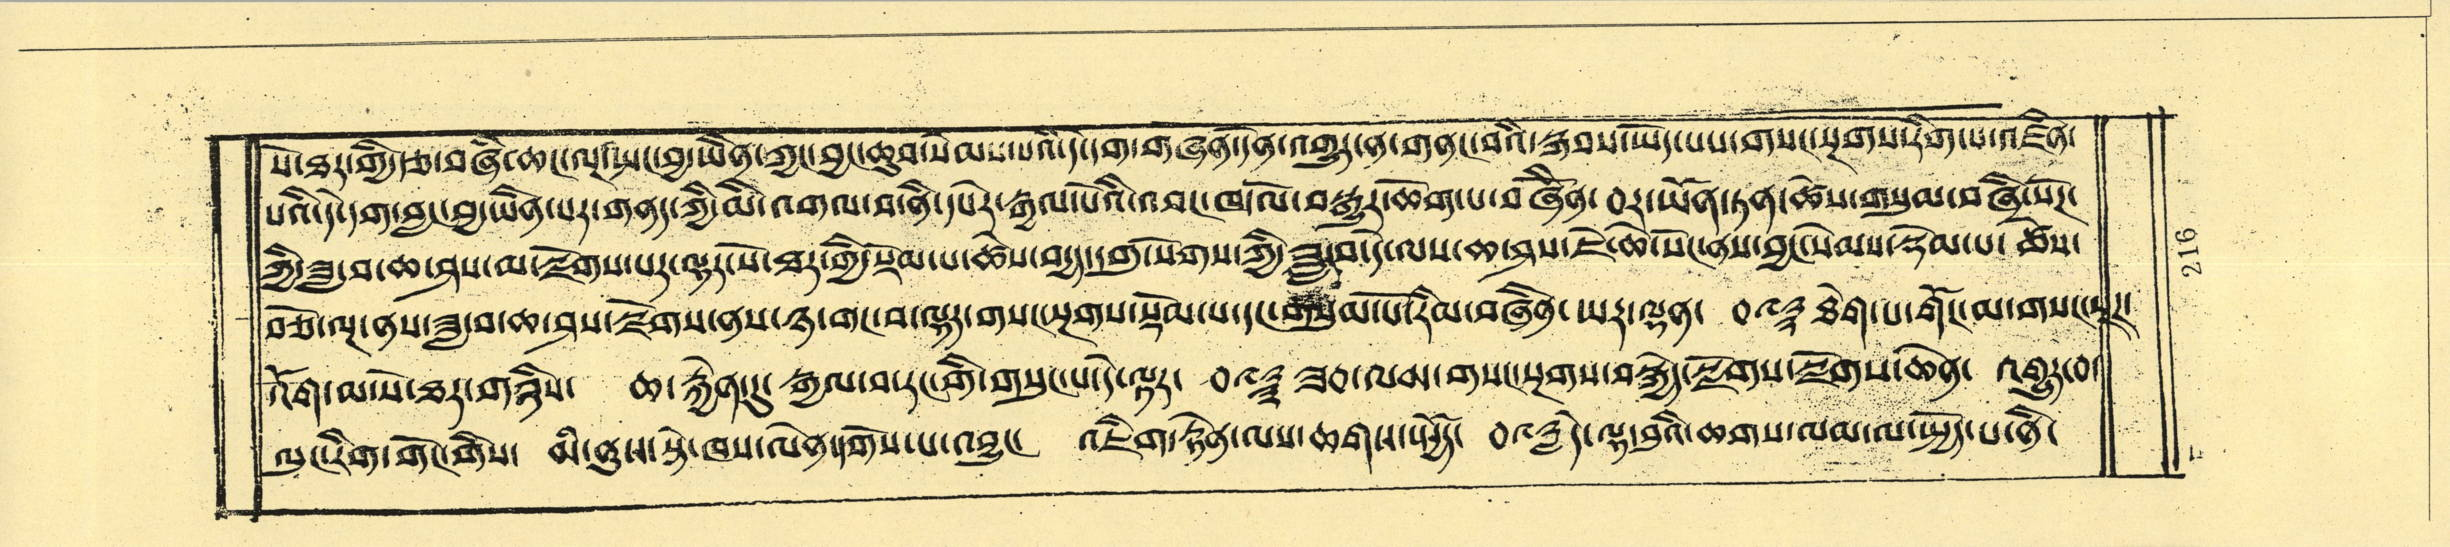སོ་ཐར་གྱི་རྩ་བཞི་ཆང་ལྔ་སྤང་བྱ་ཡིན་ཀྱང་བྱང་ཆུབ་སེམས་པའི་དེ་དག་གཞན་དོན་འགྱུར་ན་གནང་བའི་སྐབས་ཡོད་པས་གསང་སྔགས་རིག་པ་འཛིན་
པའི་དེ་དག་བླང་བྱ་ཡིན་པར་གནད་ཀྱི་མི་འགལ་བ་ནི་དཔེར་རྒྱལ་པོའི་འབང་ཁ་ལོ་བསྒྱུར་ཆོག་པ་བཞིན་ནོ། ༼བར་ཡོན་ཏན་༽ཚེས་གསུམ་བཞི་སོགས་
ཀྱི་ཟླ་བ་ཆ་ཤས་མ་སྫོགས་པར་ལྷར་སོ་ཐར་གྱི་སྡོམ་པ་ཚེས་བརྒྱད་དགུ་སོགས་ཀྱི་ཟླ་བ་དེ་ལས་ཆ་ཤས་ཇེ་ཆེ་སོང་ནས་བྱང་སེམས་སྡོམ་པ། ཚེས་
བཅོ་ལྔ་ནས་ཟླ་བ་ཆ་ཤས་སྫོགས་ནས་ཉ་གང་བ་ལྷར་གསང་སྔགས་སྡོམ་པ་དང་གསུམ་པོ་རིམ་བཞིན་ ༼ཡར་ལྡན་༽བ༩༢།༢ ༼ཐེག་པ་གོང་༽མ་གསང་སྔགས་ 
༼འོག་༽མ་སོ་ཐར་གཉིས། ༼ཆ་རྐྱེན་དུ་༽རྒྱལ་བ་རང་གི་གསུང་པ་དེ་ལྟར། བ༩༢།༣ ༼ཟབ་ལམ་༽གསང་སྔགས་བསྐྱེད་སྫོགས་སྫོགས་ཆེན། ༼འགྱུར་བ་༽
ལུང་རིག་གོང་གིས། ༼མི་ནུས་༽སྟེ་ཁས་ལེན་དགོས་པ་འབྱུང། འཇིག་རྟེན་ལས་ ༼ཆགས་སྤྱོད་༽བ༩༢།༤ དེ་ལྟ་བུའི་ཆགས་ལམ་ལ་སྤྱོད་པ་ནི།